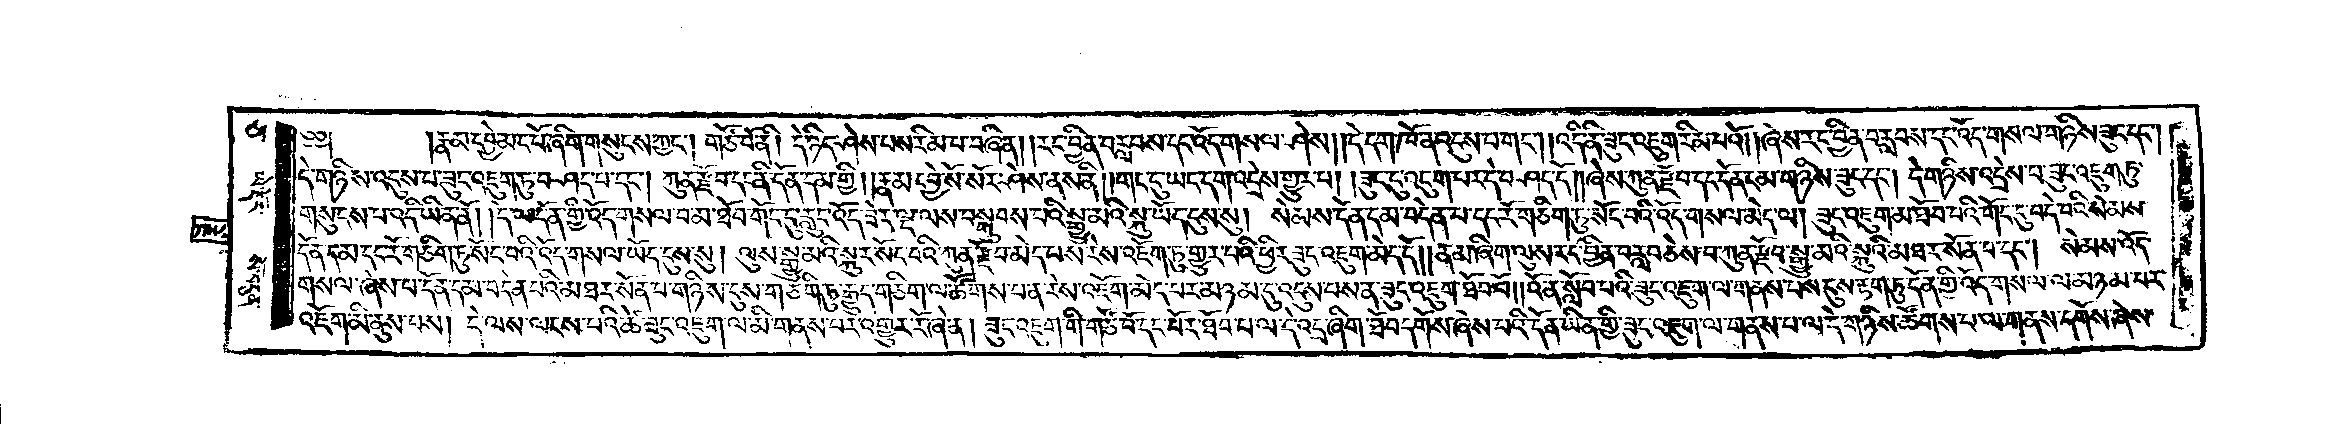༄༅། །རྣམ་དབྱེ་མང་པོ་ཞིག་གསུངས་ཀྱང་། གཙོ་བོ་ནི། དེ་ཉིད་ཤེས་པས་རིམ་པ་བཞིན། །རང་བྱིན་བརླབས་དང་འོད་གསལ་ཤེས། །དེ་དག་ཁོ་ན་འདུས་པ་གང་། །འདི་ནི་ཟུང་འཇུག་རིམ་པའོ། །ཞེས་རང་བྱིན་བརླབས་དང་འོད་གསལ་གཉིས་ཟུང་དང་།
དེ་གཉིས་འདུས་པ་ཟུང་འཇུག་ཏུ་བཤད་པ་དང་། ཀུན་རྫོབ་དང་ནི་དོན་དམ་གྱི། །རྣམ་དབྱེ་སོ་སོར་ཤེས་ནས་ནི། །གང་དུ་ཡང་དག་འདྲེས་གྱུར་པ། །ཟུང་དུ་འཇུག་པར་དེ་བཤད་དོ། །ཞེས་ཀུན་རྫོབ་དང་དོན་དམ་གཉིས་ཟུང་དང་། དེ་གཉིས་འདྲེས་པ་ཟུང་འཇུག་ཏུ་
གསུངས་པ་འདི་ཡིན་ནོ། །དེ་ལ་དོན་གྱི་འོད་གསལ་བ་མ་ཐོབ་གོང་དུ་རླུང་འོད་ཟེར་ལྔ་ལས་བསྒྲུབས་པའི་སྒྱུ་མའི་སྐུ་ཡོད་དུས་སུ། སེམས་དོན་དམ་བདེན་པ་དང་རོ་གཅིག་ཏུ་སོང་བའི་འོད་གསལ་མེད་ལ། ཟུང་འཇུག་མ་ཐོབ་པའི་གོང་དུ་བདེ་བའི་སེམས་
དོན་དམ་དང་རོ་གཅིག་ཏུ་སོང་བའི་འོད་གསལ་ཡོད་དུས་སུ། ལུས་སྒྱུ་མའི་སྐུར་སོང་བའི་ཀུན་རྫོབ་མེད་པས་རེས་འཇོག་ཏུ་གྱུར་པའི་ཕྱིར་ཟུང་འཇུག་མེད་དོ། །ནམ་ཞིག་ལུས་རང་བྱིན་བརླབ་ཅེས་བ་ཀུན་རྫོབ་སྒྱུ་མའི་སྐུའི་མཐར་སོན་པ་དང་། སེམས་འོད་
གསལ་ཞེས་པ་དོན་དམ་བདེན་པའི་མཐར་སོན་པ་གཉིས་དུས་གཅིག་ཏུ་རྒྱུད་གཅིག་ལ་ཚོགས་པ་ན་རེས་འཇོག་མེད་པར་མཉམ་དུ་འདུས་པས་ན་ཟུང་འཇུག་ཐོབ་བོ། །འོ་ན་སློབ་པའི་ཟུང་འཇུག་ལ་གནས་པས་དུས་རྟག་ཏུ་དོན་གྱི་འོད་གསལ་ལ་མཉམ་པར་
འཇོག་མི་ནུས་པས། དེ་ལས་ལངས་པའི་ཚེ་ཟུང་འཇུག་ལ་མི་གནས་པར་འགྱུར་རོ་ཞེ་ན། ཟུང་འཇུག་གི་གཙོ་བོ་དང་པོར་ཐོབ་པ་ལ་དེ་འདྲ་ཞིག་ཐོབ་དགོས་ཞེས་པའི་དོན་ཡིན་གྱི་ཟུང་འཇུག་ལ་གནས་པ་ལ་དེ་གཉིས་ཚོགས་པ་ལ་གནས་དགོས་ཞེས་